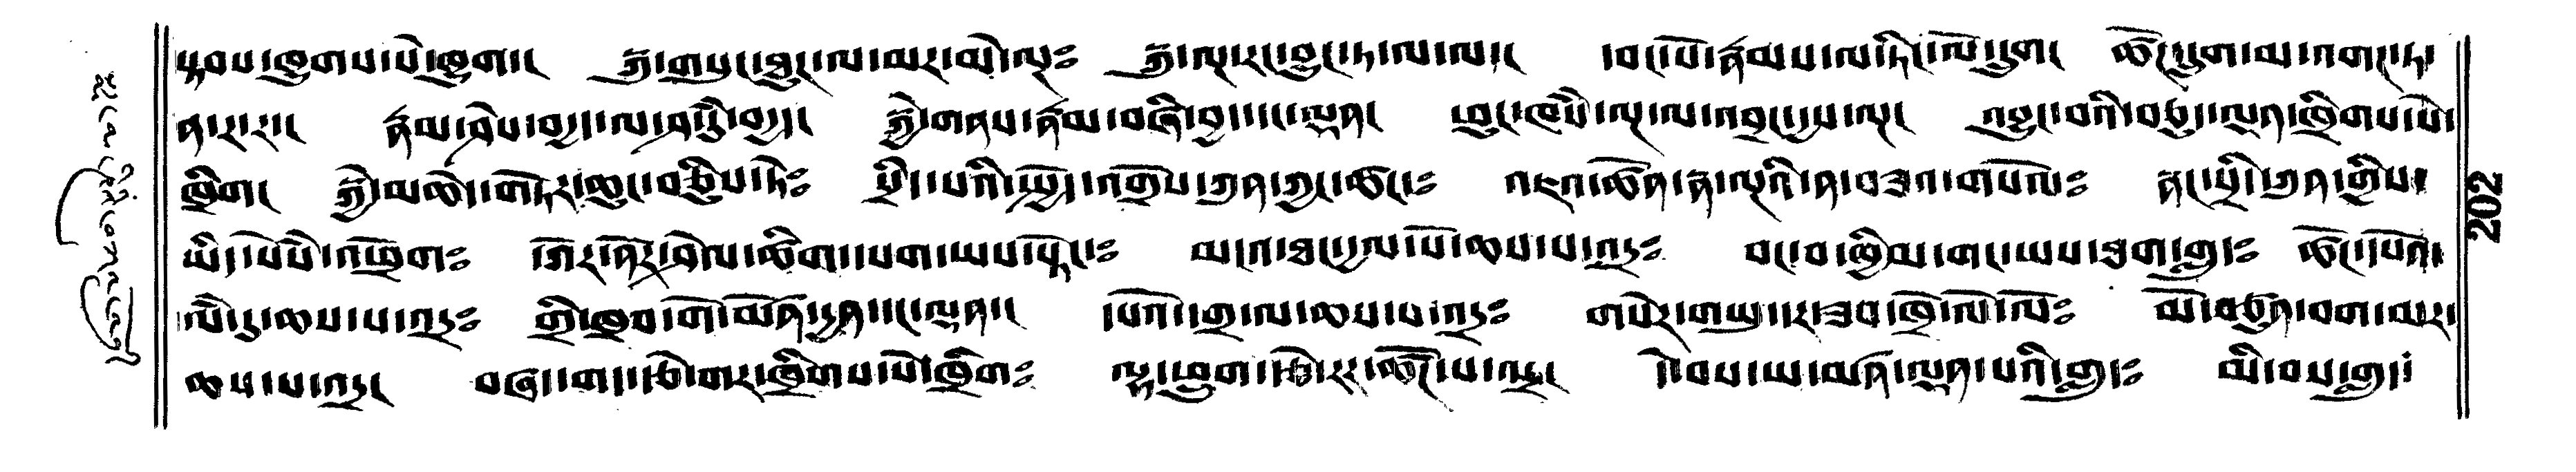སྟབས་ཁྱུགས་སེ་ཁྱུག སྐུ་གསུང་ཐུགས་ལ་མར་མེ་ལྔ། །སྐུ་ལ་རང་བྱུང་ཏ་ལ་ལ། །དབང་པོ་རྣམས་ལ་ཏིང་ལོ་དྲུག །ཚོགས་དྲུག་མ་འགགས་ཏ་
ན་ར་ར། །རྣམ་ཤེས་བརྒྱད་ལ་ཤ་དུམ་བརྒྱད། །སྐྱེ་གནས་རྣམ་བཞི་བྱད་དང་ལྡན། །ཕུང་ཁམས་ལྔ་ལ་འབྲང་རྒྱས་ལྔ། །འབྱུང་བའི་བཅུད་ལྡན་ཁྲིགས་སེ་
ཁྲིག །སྐྱེ་མཆེད་གཏོར་ཆུང་བཅུ་གཉིས་ཏེ། །སྲིད་པའི་སྤྱོད་འགྲོས་ཀུན་ཀྱང་ཚང་། །འཇའ་ཚོན་སྣ་ལྔའི་ན་བཟའ་གསོལ། །སྣང་སྲིད་ཀུན་གྱི་
ཡིད་སེམས་འཕྲོག།དཀོར་ནོར་ཤེལ་ཚིག་དཔག་ཡས་སྟོང་། །མངའ་ཐང་རྒྱལ་པོ་ཆས་པ་འདྲ། །བང་བ་ཁྱིམ་གང་ཡས་ཐག་གླུད། །ཚོང་དཔོན་
ལམ་དུ་ཆས་པ་འདྲ། །གྲི་ཁྲབ་གོ་མཚོན་རྒྱན་དང་ལྡན། །དཔའ་བོ་དགྲ་ལ་ཆས་པ་འདྲ། །གསེར་གཡུ་དར་ཟབ་ཁྲོ་ལོ་ལོ། །མོ་བཙུན་བག་མར་
ཆས་པ་འདྲ། །བཞད་གད་རྩེ་གར་ཁྲིགས་སེ་ཁྲིག །ལྷ་ཕྲུག་རྩེ་རར་ཚོགས་པ་འདྲ། །དེ་བས་ཡ་མཚན་ལྡན་པའི་གླུད། །མི་བས་གླུད་